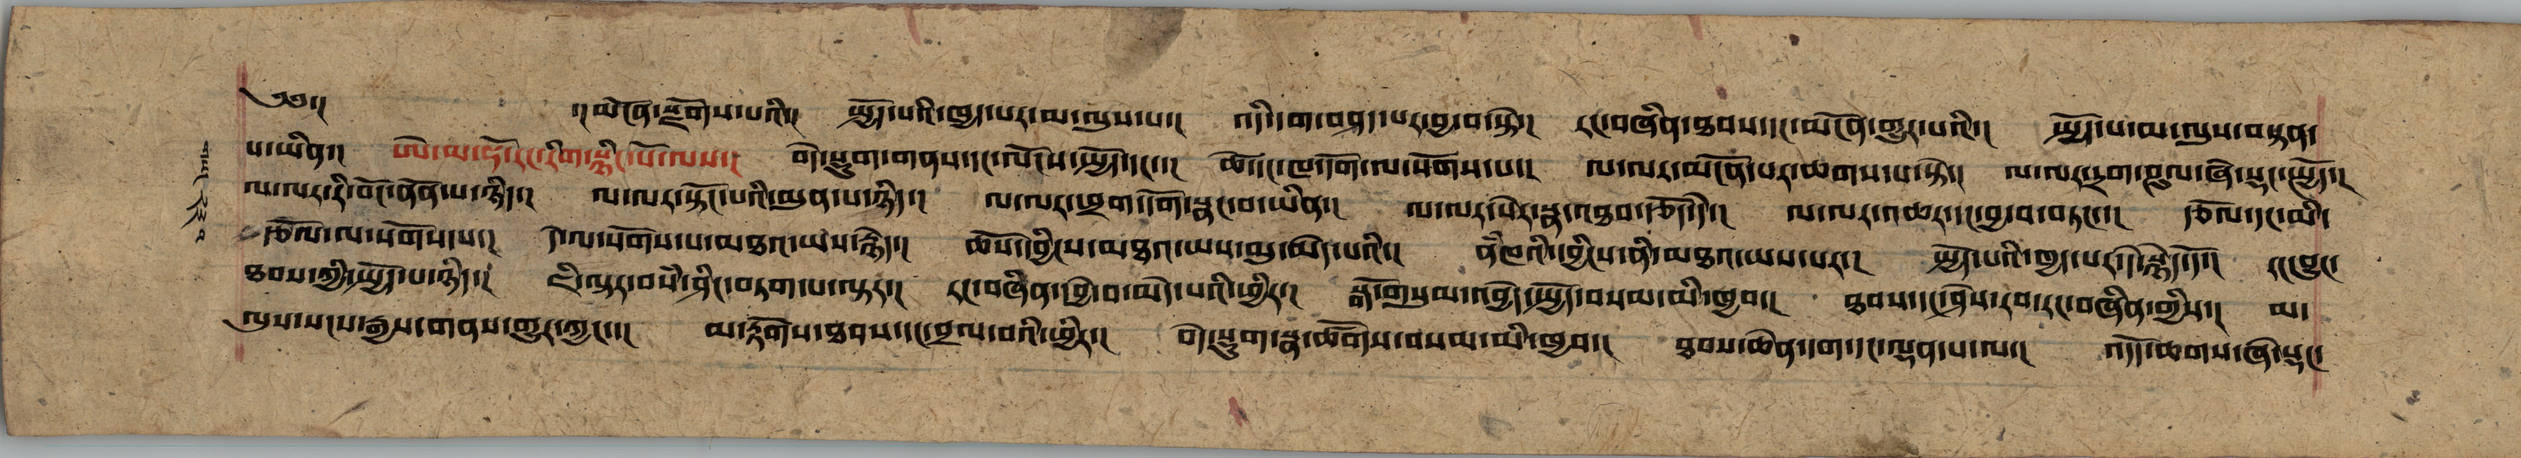༄༅་། ་།མངོན་སྫོགས་པའི་། སྤྱོད་པའི་ཁྱད་པར་མ་ལུས་པ་། འདི་དག་བཤད་པར་བྱ་བ་སྟེ་། རང་བཞིན་ཐབས་དང་མངོན་གྱུར་པའི་། སྤྱོད་པ་མ་ལུས་བསྟན་
པ་ཡིན་། ཨེ་མ་ཧོ་རང་རིག་སྙིང་པོ་ལས་། བདེ་སྡུག་གནས་དང་ལོངས་སྤྱོད་དང་་། ཚེ་དང་ཁ་དོག་ལ་སོགས་པ་། ལ་ལར་མངོན་པར་ཆགས་པ་སྟེ་། ལ་ལར་དྲག་ཤུལ་ཞེ་སྡང་སྤྱོད་།
ལ་ལར་རི་བོང་ནོན་པ་ཉིད་། ལ་ལར་སྟོང་པའི་མུན་པ་ཉིད་། ལ་ལར་ཕྲག་དོག་སྣང་བ་ཡིན་། ལ་ལར་སེར་སྣ་འཐབ་རྩོད་དེ་། ལ་ལར་འཆར་དང་བྱ་བ་བཏང་་། རྩོལ་དང་མི་
རྩོལ་ལ་སོགས་པ་། དེ་ལ་སོགས་པ་མཐའ་ཡས་རྙེད་། ཆོས་དབྱིངས་མཐའ་ཡས་མུ་མེད་པའི་། ནཾཁའི་དབྱིངས་ནི་མཐའ་ཡས་པར་། སྤྱོད་པའི་ཁྱད་པར་དེ་སྙེད་དོ་། རང་བྱུང་
ཐབས་ཀྱི་སྤྱོད་པ་ཉིད་། ཇི་ལྟར་བསཾ་ཤིང་བཏག་པ་ལྟར་། རང་བཞིན་དབྱེ་བ་མེད་པའི་ཕྱིར་། སྒོ་གསུམ་འབྱེད་སྤྱོད་བསམ་མི་ཁྱབ་། ཐབས་དང་ཤེས་རབ་རང་བཞིན་གྱིས་། མ་
ལུས་སངས་རྒྱས་གནས་གྱུར་ཀྱང་་། མ་རྟོགས་ཐབས་དང་བྲལ་བའི་ཕྱིར་། བདེ་སྡུག་སྣ་ཚོགས་བསམ་མི་ཁྱབ་། ཐབས་ཆེན་དག་དང་ལྡན་པ་ལ་། འདོད་ཆགས་ཞེ་སྡང་